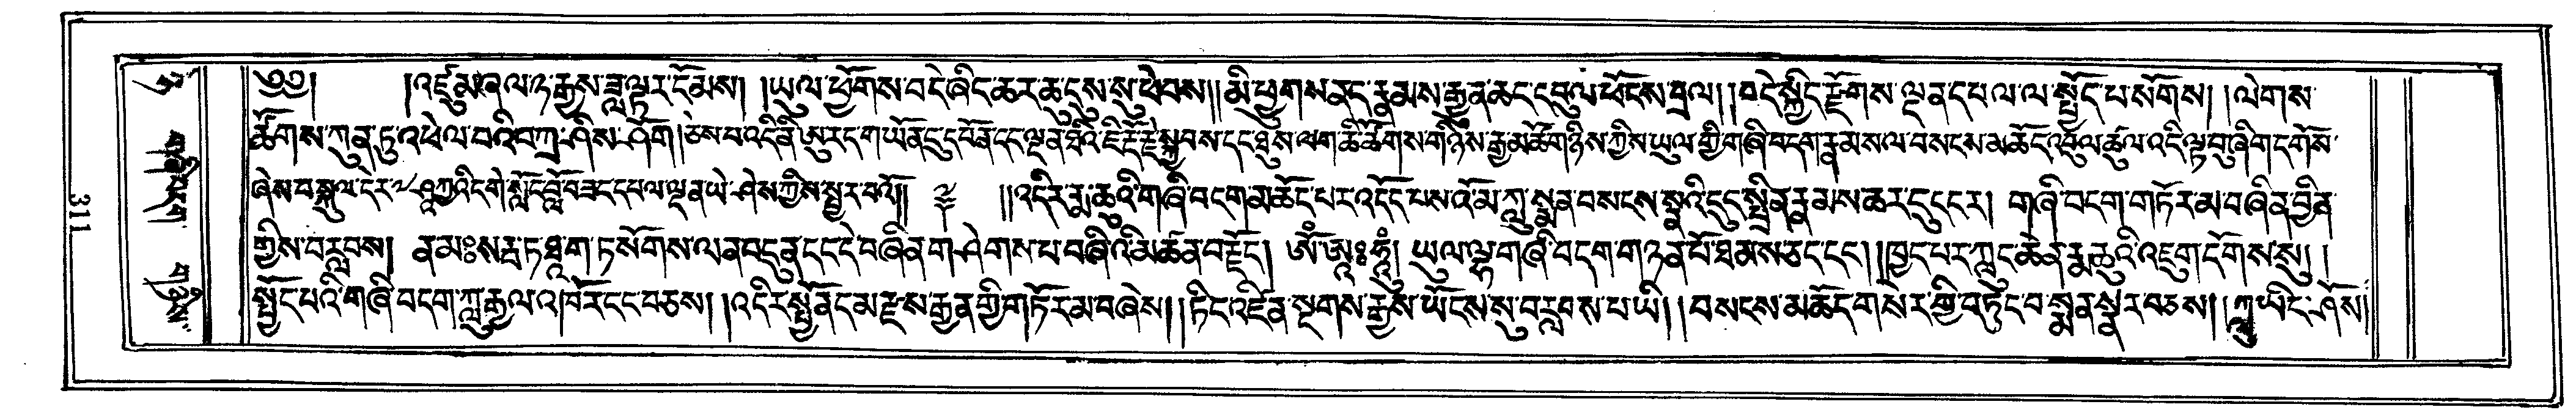༄༅། །འཛུམ་ཞལ་ཉ་རྒྱས་ཟླ་ལྟར་ངོམས། །ཡུལ་ཕྱོགས་བདེ་ཞིང་ཆར་ཆུ་དུས་སུ་ཕེབས། །མི་ཕྱུག་སྣད་རྣམས་རྒྱུན་ཆད་དབུལ་ཕོངས་བྲལ། །བདེ་སྐྱིད་རྫོགས་ལྡན་དཔལ་ལ་སྤྱོད་པ་སོགས། །ལེགས་
ཚོགས་ཀུན་ཏུ་འཕེལ་བའི་བཀྲ་ཤིས་ཤོག །ཅེས་པ་འདི་ནི་ཨུ་རད་གཡོན་རུ་དཔོན་དང་ལྡན་ཐའི་ཐི་རྡོ་རྗེ་སྐྱབས་དང་ཐུས་ལག་ཆི་ཚོགས་གཉིས་རྒྱ་མཚོ་གཉིས་ཀྱིས་ཡུལ་གྱི་གཞི་བདག་རྣམས་ལ་བསངས་མཆོད་འབུལ་ཚུལ་འདི་ལྟ་བུ་ཞིག་དགོས་
ཞེས་བསྐུལ་ངོར ༧་ཤྰྐྱའི་དགེ་སློང་བློ་བཟང་དཔལ་ལྡན་ཡེ་ཤེས་ཀྱི་སྦྱར་བའོ།། ༈ །།འདིར་རྨ་ཆུའི་གཞི་བདག་མཆོད་པར་འདོད་པས་འོ་མ་ཀླུ་སྨན་བསངས་ནའི་དུད་སྤྲིན་རྣམས་ཚར་དུ་དང་ར། །གཞི་བདག་གཏོར་མ་བཞིན་བྱིན་
གྱིས་བརླབས། ན་མཿ སརྦ་ཏ་ཐཱ་ག་ཏ་སོགས་ལན་བདུན་དང་དེ་བཞིན་གཤེགས་པ་བཞིའི་མཚན་བརྗོད། ཨོཾ་ཨཱཿ ཧཱུཾ། ཡུལ་ལྷ་གཞི་བདག་ཉན་པོ་ཐམས་ཅད་དང་། །ཁྱད་པར་ཀླུང་ཆེན་རྨ་ཆུའི་འཇུག་ངོགས་སུ། །
སྤྱོད་པའི་གཞི་བདག་ཀླུ་རྒྱལ་འཁོར་དང་བཅས། །འདིར་སྤྱོན་དམ་རྫས་རྒྱན་གྱི་གཏོར་མ་བཞེས། །ཏིང་འཛིན་སྔགས་རྒྱས་ཡོངས་སུ་བརླབས་པ་ཡི། །བསངས་མཆོད་གསེར་གྱི་བཏུང་བ་སྨན་སྣར་བཅས། །ཀླུ་ཡི་བཤོས་